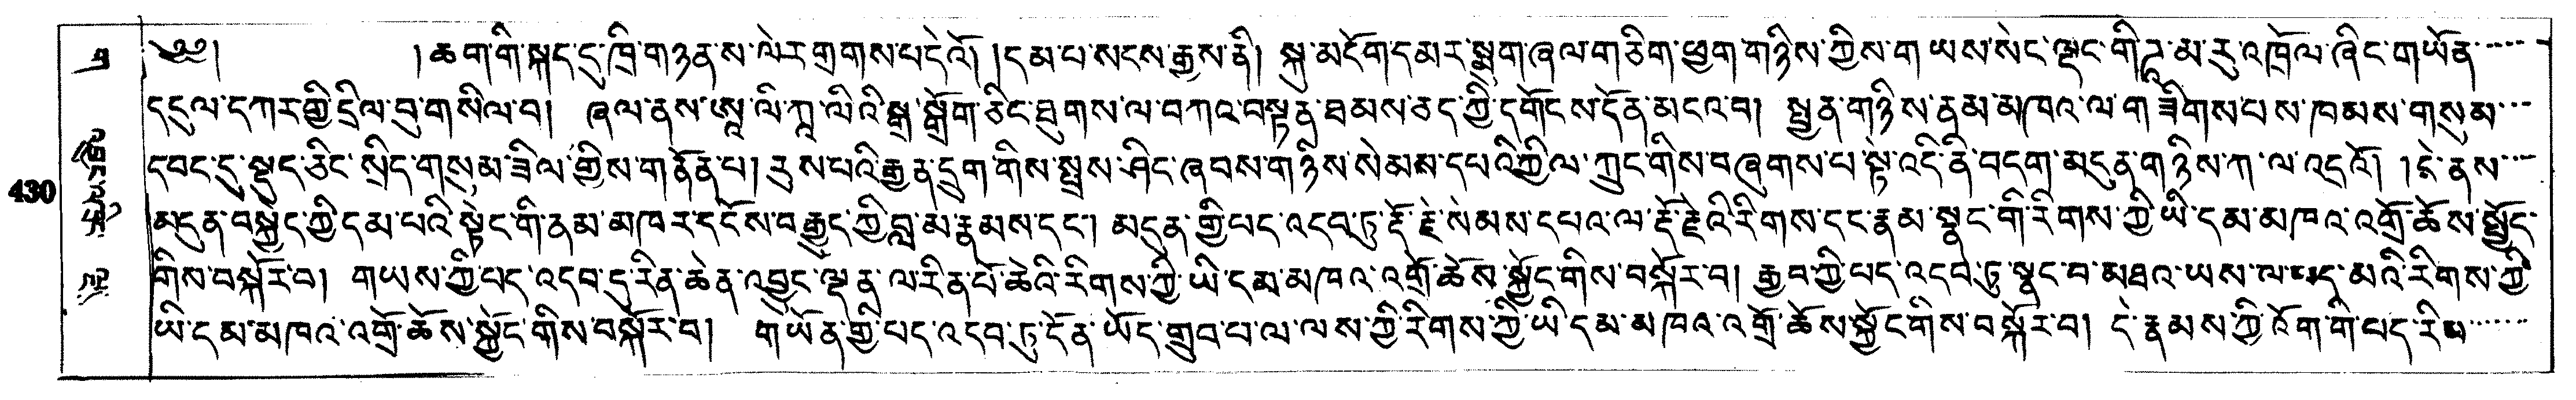༄༅། །ཆག་གི་སྐད་དུ་ཁྲི་གཉན་ས་ལེར་གྲགས་པ་དེའོ། །དམ་པ་སངས་རྒྱས་ནི། སྐུ་མདོག་དམར་སྨུག་ཞལ་གཅིག་ཕྱག་གཉིས་ཀྱིས་གཡས་སེང་ལྡང་གི་ཌཱ་མ་རུ་འཁྲོལ་ཞིང་གཡོན་
དངུལ་དཀར་གྱི་དྲིལ་བུ་གསིལ་བ། ཞལ་ནས་ཨཱ་ལི་ཀཱ་ལིའི་སྒྲ་སྒྲོག་ཅིང་ཐུགས་ལ་བཀའ་བསྟན་ཐམས་ཅད་ཀྱི་དགོངས་དོན་མངའ་བ། སྤྱན་གཉིས་ནམ་མཁའ་ལ་གཟིགས་པས་ཁམས་གསུམ་
དབང་དུ་སྡུད་ཅིང་སྲིད་གསུམ་ཟིལ་གྱིས་གནོན་པ། རུས་པའི་རྒྱན་དྲུག་གིས་སྤྲས་ཤིང་ཞབས་གཉིས་སེམས་དཔའི་ཀྱིལ་ཀྲུང་གིས་བཞུགས་པ་སྟེ་འདི་ནི་བདག་མདུན་གཉིས་ཀ་ལ་འདྲའོ། །དེ་ནས་
མདུན་བསྐྱེད་ཀྱི་དམ་པའི་སྟེང་གི་ནམ་མཁར་དངོས་བརྒྱུད་ཀྱི་བླ་མ་རྣམས་དང་། མདུན་གྱི་པད་འདབ་ཏུ་རྡོ་རྗེ་སེམས་དཔའ་ལ་རྡོ་རྗེའི་རིགས་དང་རྣམ་སྣང་གི་རིགས་ཀྱི་ཡི་དམ་མཁའ་འགྲོ་ཆོས་སྤྱོད་
གིས་བསྐོར་བ། གཡས་ཀྱི་པད་འདབ་དུ་རིན་ཆེན་འབྱུང་ལྡན་ལ་རིན་པོ་ཆེའི་རིགས་ཀྱི་ཡི་དམ་མཁའ་འགྲོ་ཆོས་སྐྱོང་གིས་བསྐོར་བ། རྒྱབ་ཀྱི་པད་འདབ་ཏུ་སྣང་བ་མཐའ་ཡས་ལ་པད་མའི་རིགས་ཀྱི་
ཡི་དམ་མཁའ་འགྲོ་ཆོས་སྐྱོང་གིས་བསྐོར་བ། གཡོན་གྱི་པད་འདབ་ཏུ་དོན་ཡོད་གྲུབ་པ་ལ་ལས་ཀྱི་རིགས་ཀྱི་ཡི་དམ་མཁའ་འགྲོ་ཆོས་སྐྱོང་གིས་བསྐོར་བ། དེ་རྣམས་ཀྱི་འོག་གི་པད་རི་